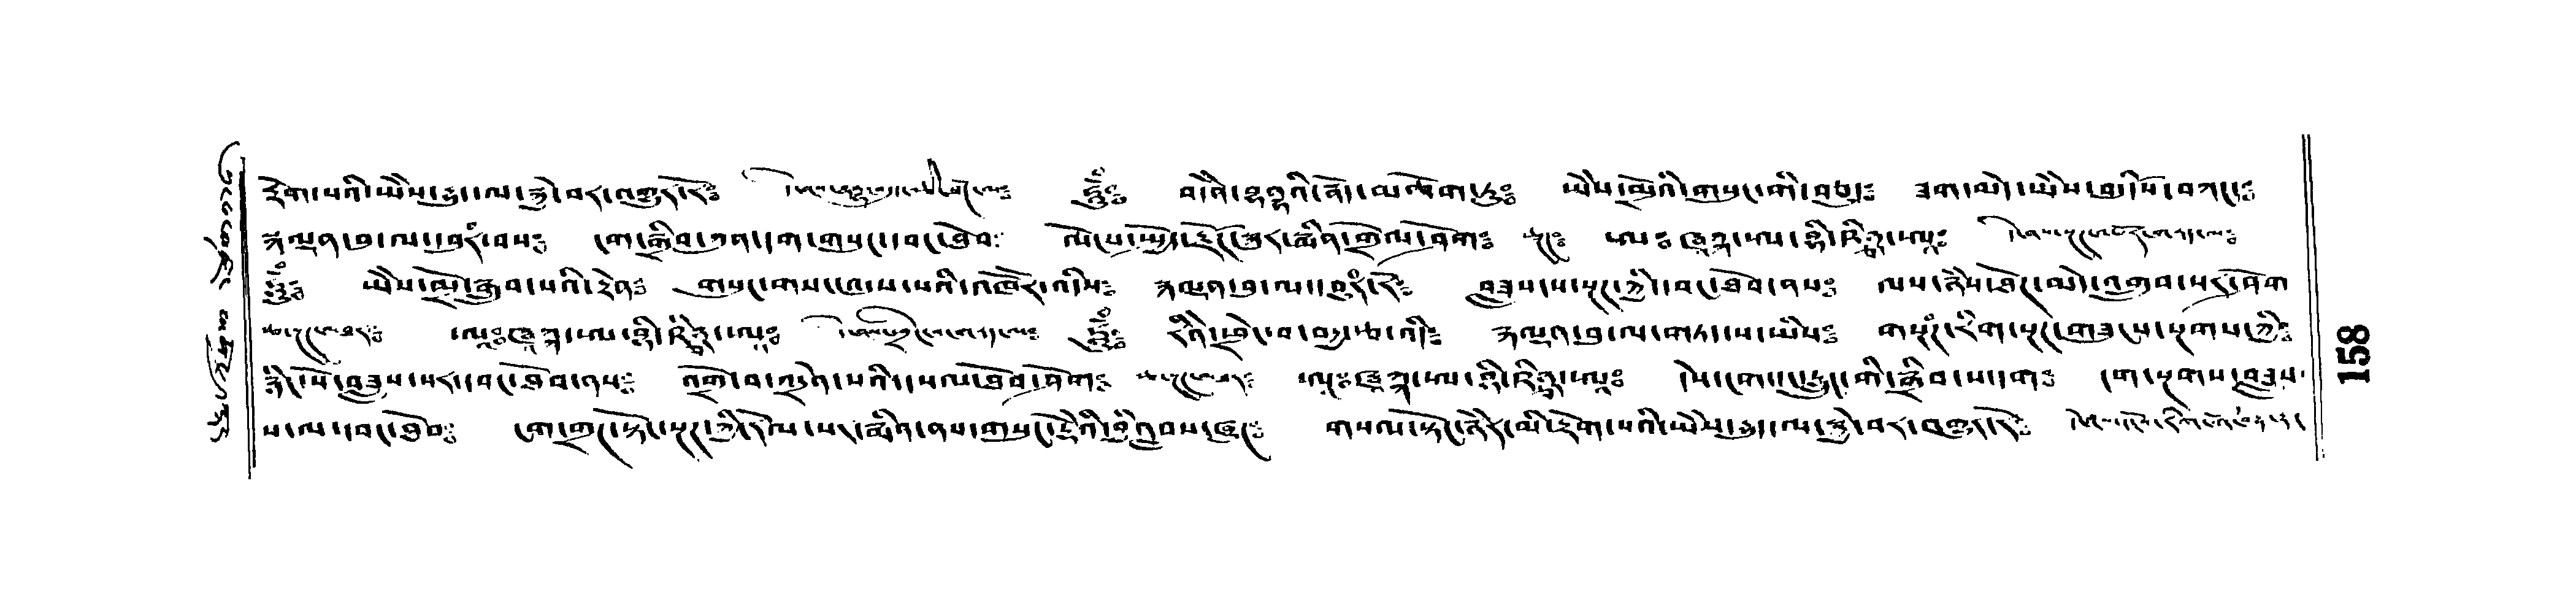རྟོག་པའི་ཡེ་ཤེས་རྒྱུད་ལ་སྐྱེ་བར་འགྱུར་རོ༔ དེ་ནས་བྷནྡྷ་བདུད་རྩི་ཐོགས་ལ༔ ཧཱུྃ༔ བདེ་ཆེན་བྷནྡྷའི་སྣོད་མཆོག་ཏུ༔ ཡེ་ཤེས་མཁའ་འགྲོའི་གསུང་གི་བཅུད༔ ཟག་མེད་ཡེ་ཤེས་བདུད་རྩིས་བཀང༔ 
སྐལ་ལྡན་བུ་ལ་དབང་བསྐུར་བས༔ ངག་སྒྲིབ་ཀུན་དག་གསུང་དབང་ཐོབ༔ ལོངས་སྤྱོད་རྫོགས་སྐུར་སྨིན་གྲོལ་ཤོག༔ རྩ་སྔགས༔ ཨཱཿཝཱཀྐ་ཨ་བྷི་རིཉྩ་ཨཱཿ དེ་ནས་སྔགས་འཁོར་གཏད་ལ༔ 
ཧཱུྃ༔ ཡེ་ཤེས་མཁའ་འགྲོ་སྒྲུབ་པའི་རྟེན༔ གསུང་གསང་འདུས་པའི་འཁོར་ལོ་འདིས༔ སྐལ་ལྡན་བུ་ལ་དབང་བསྐུར་རོ༔ བཟླས་པ་སྔགས་ཀྱི་དབང་ཐོབ་ནས༔ ལས་རྣམས་ཐོགས་མེད་འགྲུབ་པར་ཤོག༔ 
རྩ་སྔགས་མཐར༔ ཨཱཿཝཱཀྐ་ཨ་བྷི་རིཉྩ་ཨཱཿ དེ་ནས་ཕྲེང་བ་གཏད་ལ༔ ཧཱུྃ༔ རིན་ཆེན་ཕྲེང་བ་བརྒྱ་རྩ་འདི༔ སྐལ་ལྡན་བུ་ལ་གཏད་པ་ཡིས༔ གསང་སྔགས་རིག་སྔགས་གཟུངས་སྔགས་ཀྱི༔ 
སྙིང་པོ་བཟླས་པར་དབང་ཐོབ་ནས༔ འགྲོ་བ་འདྲེན་པའི་དཔལ་ཐོབ་ཤོག༔ རྩ་སྔགས་མཐར༔ ཨཱཿཝཱཀྐ་ཨ་བྷི་རིཉྩ་ཨཱཿ དེས་ངག་དང་རླུང་གི་སྒྲིབ་པ་དག༔ ངག་སྔགས་བཟླ་
པ་ལ་དབང་ཐོབ༔ ངག་གྲགས་སྟོང་སྔགས་ཀྱི་རོལ་པར་སྨིན་ནས་གསུང་རྡོ་རྗེའི་བྱིན་རླབས་ཞུགས༔ གསལ་སྟོང་རྣམ་པར་མི་རྟོག་པའི་ཡེ་ཤེས་རྒྱུད་ལ་སྐྱེ་བར་འགྱུར་རོ༔ དེ་ནས་དངོས་རིག་གམ་བརྡ་རྟགས་